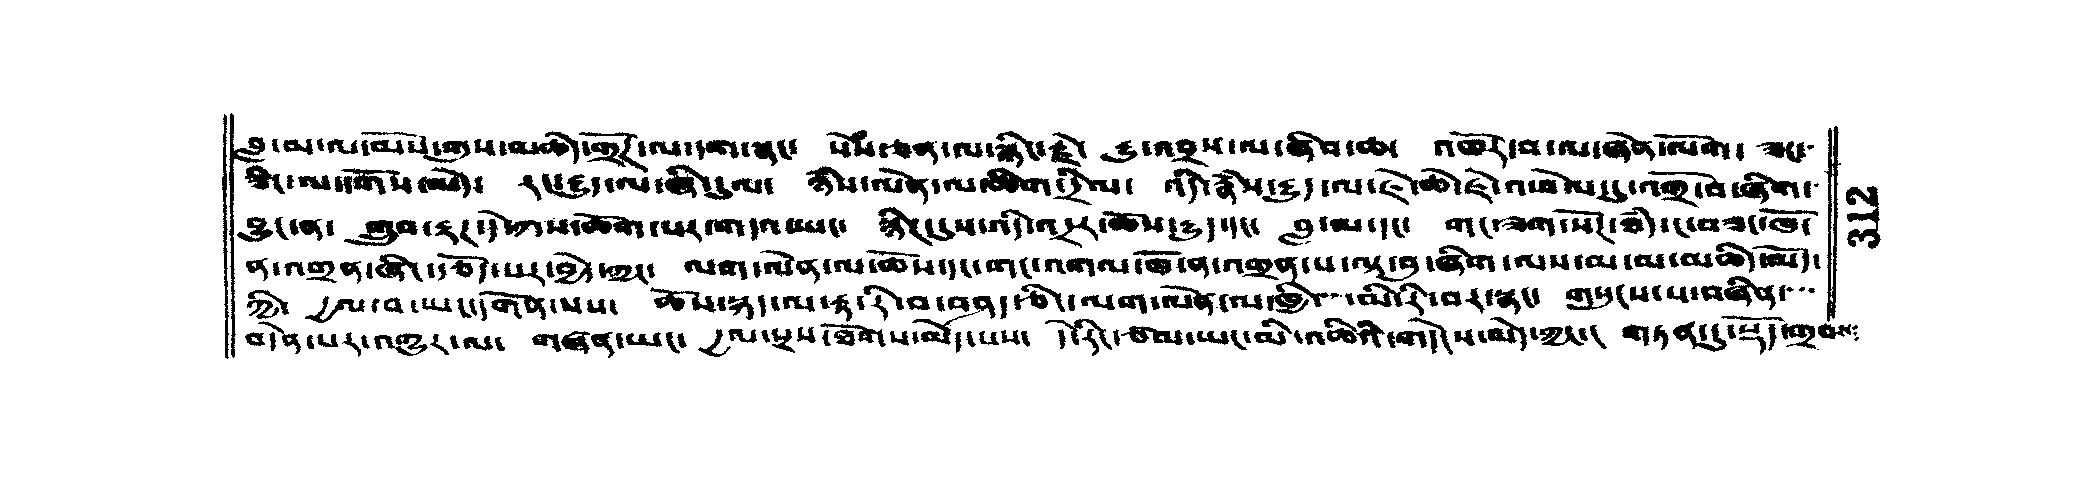བླ་མ་ལ་མོས་གུས། མཆེད་གྲོགས་ལ་དག་སྣང་། སེམས་ཅན་ལ་སྙིང་རྗེ། རྒྱུ་འབྲས་ལ་ཞིབ་ཆ། འཁོར་བ་ལ་ཞེན་ལོག ཟང་
ཟིང་ལ་དགོས་མེད། རང་རྒྱུད་ལ་ཞི་དུལ། ཉམས་ལེན་ལ་ཆིག་དྲིལ། འདི་རྣམས་རྒྱུད་ལ་ཇེ་ཆེ་ཇེ་འཕེལ་དུ་འགྲོ་བ་ཞིག་
བྱུང་ན། གྲུབ་རྟགས་དེ་ཀས་ཆོག་པར་གདའ་ཡང་། སྙིགས་དུས་འདི་འདྲར་ཆོས་རྒྱུད་དང་། བླ་མ་དང་། གང་ཟག་སོགས་ཐམས་ཅད་ང་བཟང་ཁོ་
ན་འགྲན་ཞིང་རྩོད་པར་བྱེད་ཀྱང་། ལག་ལེན་ལ་ཆོས་དང་གང་འགལ་ཁོ་ན་འགྲན་པ་ལྟ་བུ་ཞིག་ལས་མ་མཆིས་མོད་
ཀྱི། རྒྱལ་བ་ཡང་དགོན་པས། ཆོས་སྐད་ལ་རྟ་རི་བ་བཤད་ཅིང་ལག་ལེན་ལ་ཁྱི་མི་རི་བར་སྣང་། གསུངས་པ་བཞིན་
བདེན་པར་འགྱུར་ལ། གཞན་ཡང་། རྒྱལ་སྲས་ཐོགས་མེད་པས། དེ་རིང་ཙམ་ཡང་མི་འཆིའི་གདེངས་མེད་ཀྱང་། །གཏན་ཏུ་སྡོད་གྲབས་